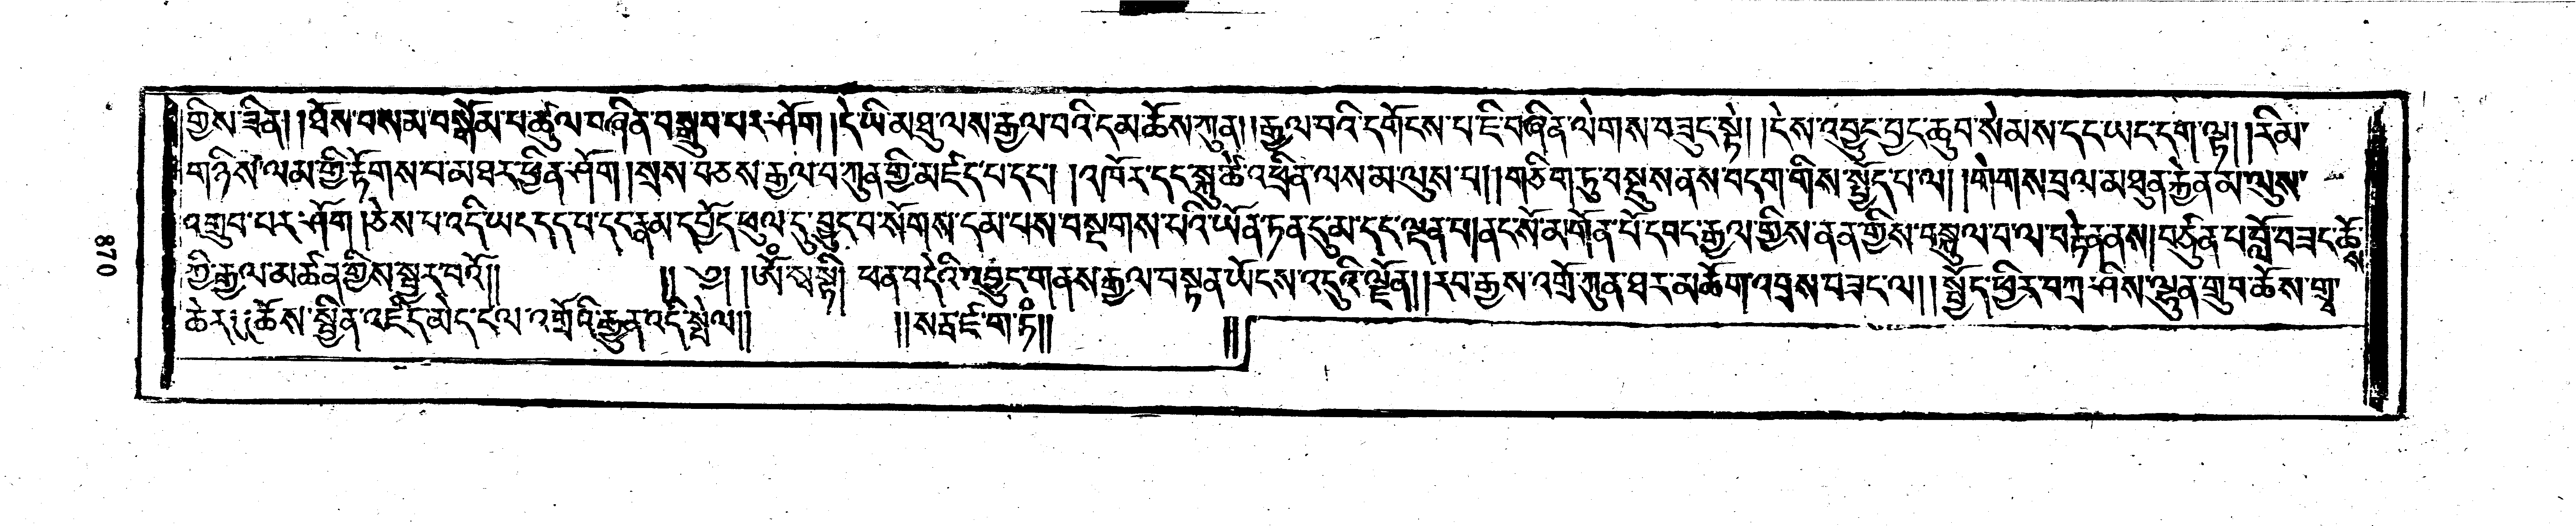གྱིས་ཟིན། །ཐོས་བསམ་བསྒོམ་པ་ཚུལ་བཞིན་བསྒྲུབ་པར་ཤོག་ལ།དེ་ཡི་མཐུ་ལས་རྒྱལ་བའི་དམ་ཆོས་ཀུན། །རྒྱལ་བའི་དགོངས་པ་ཇི་བཞིན་ལེགས་བཟུང་སྟེ། །ངེས་འབྱུང་བྱང་ཆུབ་སེམས་དང་ཡང་དག་ལྟ། །རིམ་
གཉིས་ལམ་གྱི་རྟོགས་པ་མཐར་ཕྱིན་ཤོག །སྲས་བཅས་རྒྱལ་བ་ཀུན་གྱི་མཛད་པ་དང་། །འཁོར་དང་སྐུ་ཚེ་འཕྲིན་ལས་མ་ལུས་པ། །གཅིག་ཏུ་བསྡུས་ནས་བདག་གིས་སྤྱོད་པ་ལ། །གེགས་བྲལ་མཐུན་རྐྱེན་མ་ལུས་
འགྲུབ་པར་ཤོག །ཅེས་པ་འདི་ཡང་དད་པ་དང་རྣམ་དཔྱོད་ཕུལ་དུ་བྱུང་བ་སོགས་དམ་པས་བསྔགས་པའི་ཡོན་ཏན་དུ་མ་དང་ལྡན་པ། ནང་སོ་མགོན་པོ་དབང་རྒྱལ་གྱིས་ནན་གྱིས་བསྐུལ་བ་ལ་བརྟེན་ནས། བཙུན་པ་བློ་བཟང་ཆོས་
ཀྱི་རྒྱལ་མཚན་གྱིས་སྦྱར་བའོ།། །།༄༅། །ཨོཾ་སྭ་སྟི། ཕན་བདེའི་འབྱུང་གནས་རྒྱལ་བསྟན་ཡོངས་འདུའི་ལྗོན། །རབ་རྒྱས་འགྲོ་ཀུན་ཐར་མཆོག་འབྲས་བཟང་ལ། །སྤྱོད་ཕྱིར་བཀྲ་ཤིས་ལྷུན་གྲུབ་ཆོས་གྲྭ་
ཆེར། །ཆོས་སྦྱིན་འཛད་མེད་དལ་འགྲོའི་རྒྱུན་འདི་སྤེལ།། །།སརྦ་ཛ་ག་ཏཾ།། །།